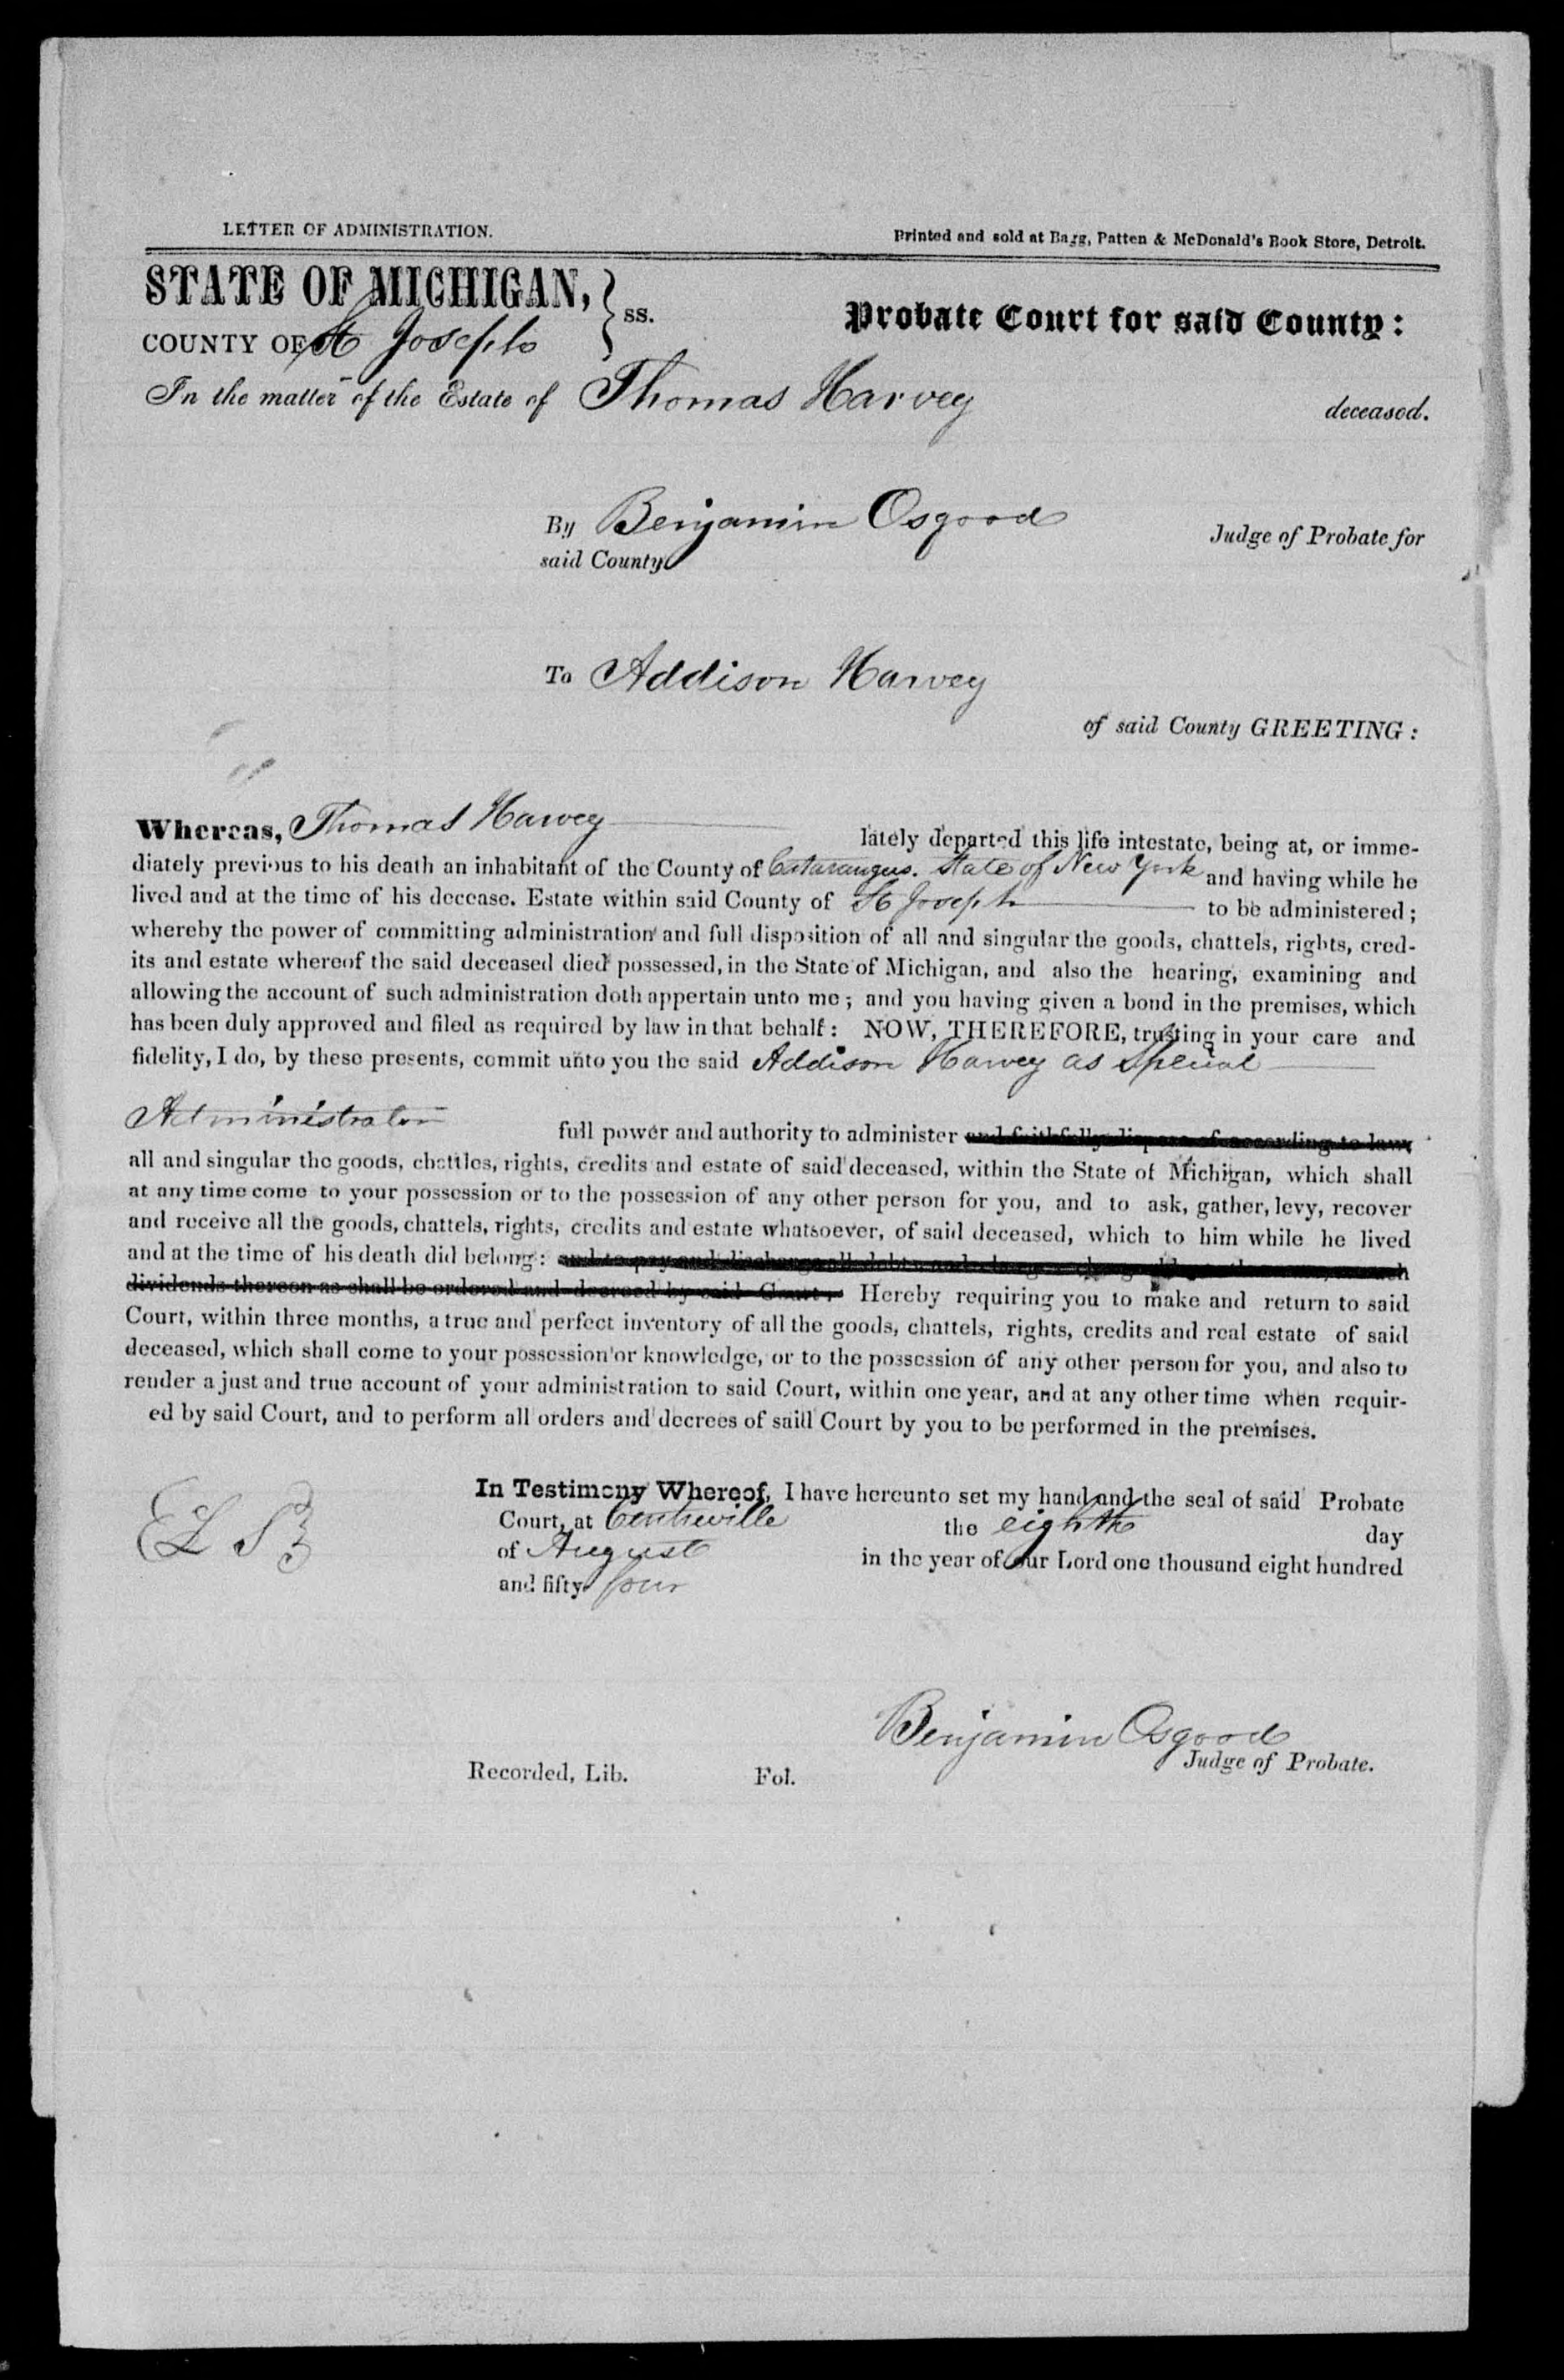LETTERS OF ADMINISTRATION. Printed and sold at Bragg, Patten & McDonald's Book Store, Detroit. 
STATE OF MICHIGAN, 
COUNTY OF St. Joseph}ss. Probate Court for said County:
In the matter of the Estate of Thomas Harvey deceased, By Benjamin Osgood Judge of Probate for said County
To Addison Harvey of said County GREETING:
Whereas, Thomas Harvey
lately departed this life intestate, being at, or immediately previous to his death an inhabitant of the County of Cattaraugus, State of New York and having while he lived and at the time of his decease. Estate within said County of St. Joseph to be administered; whereby the power of committing administration and full disposition of all and singular the goods, chattels, rights, credits and estate whereof the said deceased died possessed, in the State of Michigan, and also the hearing, examining and allowing the account of such administration doth appertain unto me; and you having given a bond in the premises, which has been duly approved and filed as required by law in that behalf: NOW, THEREFORE, trusting in your care and fidelity, I do, by these presents, commit unto you the said Addison Harvey as Special Administrator full power and authority to administer ['and faithfully dispose of, according to law,' crossed out] all and singular the goods, chattels, rights, credits and estate of said deceased, within the State of Michigan, which shall at any time come to your possession or to the possession of any other person for you, and to ask, gather, levy, recover and receive all the goods, chattels, rights, credits and estate whatsoever, of said deceased, which to him while he lived and at the time of his death did belong: ['and to pay and discharge all debts and charges [illegible] dividends thereon as shall be ordered and decreed by said Court.' crossed out]. Hereby requiring you to make and return to said Court, within three months, a true and perfect inventory of all the goods, chattels, rights, credits and real estate of said deceased, which shall come to your possession or knowledge, or to the possession of any other person for you, and also to render a just and true account of your administration to said Court, within one year, and at any other time when required by said Court, and to perform all orders and decrees of said Court by you to be performed in the premises.
[facsimile seal: LS] In Testimony Whereof, I have hereunto set my hand and the seal of said Probate Court, at Centreville the eighth day of August in the year of our Lord one thousand eight hundred and fifty four
/s/Benjamin Osgood
Recorded, Lib. Fol.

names: Benjamin Osgood, Addison Harvey, Addison Harvey, Thomas Harvey, Thomas Harvey, Benjamin Osgood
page: 52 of 80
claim: survivor's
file: S. 18008, Thomas Harvey, N.H.